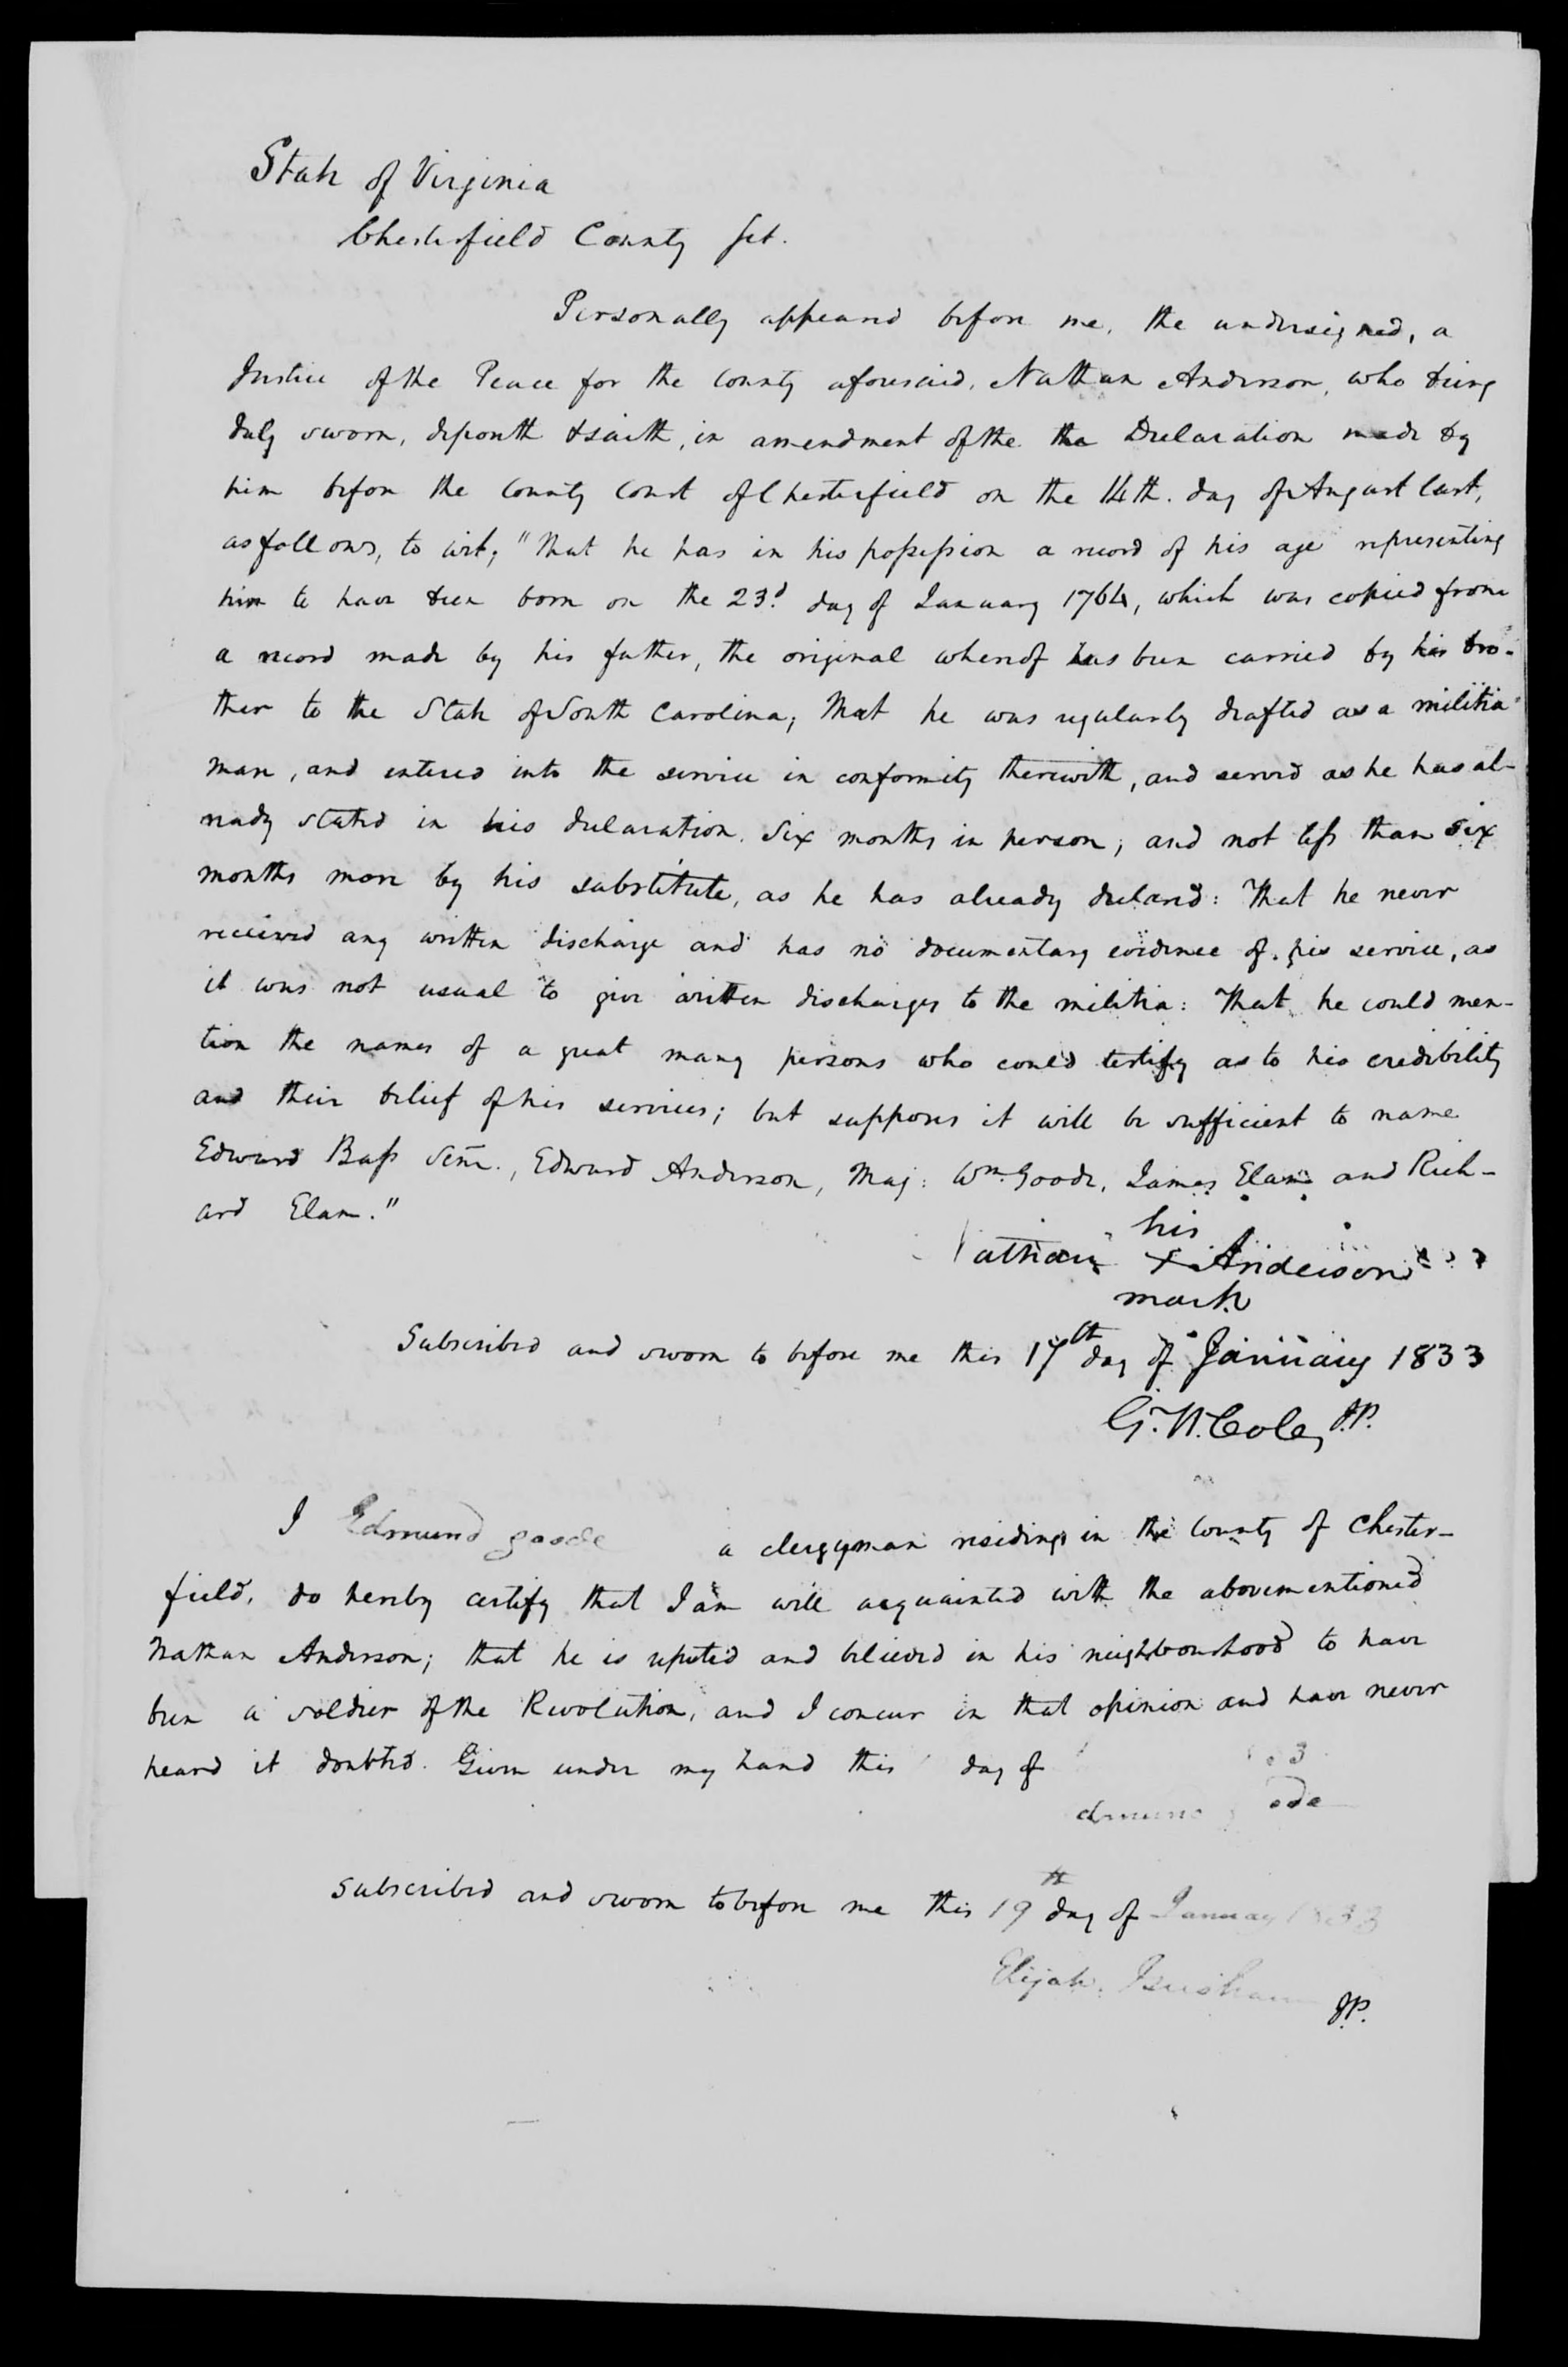State of Virginia
Chesterfield County Sct.
Personally appeared before me, the undersigned, a Justice of the Peace for the County aforesaid, Nathan Anderson, who being duly sworn, deposeth & saith, in amendment of the Declaration made by him before the County Court of Chesterfield on the 14th day of August last, as follows, to wit; "That he has in his possession a record of his age representing him to have been born on the 23d. day of January 1764, which was copied from a record made by his father, the original whereof has been carried by his brother to the State of South Carolina, That he was regularly drafted as a militia man, and entered into the service in conformity therewith, and served as he has already stated in his declaration. Six months in person; and not less than six months more by his substitute, as he has already declared: That he never received any written discharge and has no documentary evidence of his service, as it was not usual to give written discharges to the militia: That he could mention the names of a great many persons who could testify as to his credibility and their belief of his services; but supposes it will be sufficient to name Edward Bass Senr., Edward Anderson, Maj: Wm. Goode, James Elam and Richard Elam." 
Nathan Anderson x his mark
Subscribed and sworn to before me this 17th day of January 1833
G. W. Cole J.P.

I Edward Goode a clergyman residing in the County of Chesterfield, do hereby certify that I am well acquainted with the above mentioned Nathan Anderson; that he is reputed and believed in his neighborhood to have been a soldier of the Revolution, and I concur in that opinion and have never heard it doubted. Given under my hand this - day of - 183-
Edward Goode
Subscribed and sworn to before me this 19th day of January 1833
Elijah Gresham J.P.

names: Elijah Gresham, James Elam, Edmund Goode, Wm Goode, Nathan Anderson, G W Cole, Edmund Goode, Nathan Anderson, Edward Anderson, Nathan Anderson, Edward Bass, Richard Elam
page: 8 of 43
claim: widow's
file: W. 5,626, Nathan Anderson, Va.